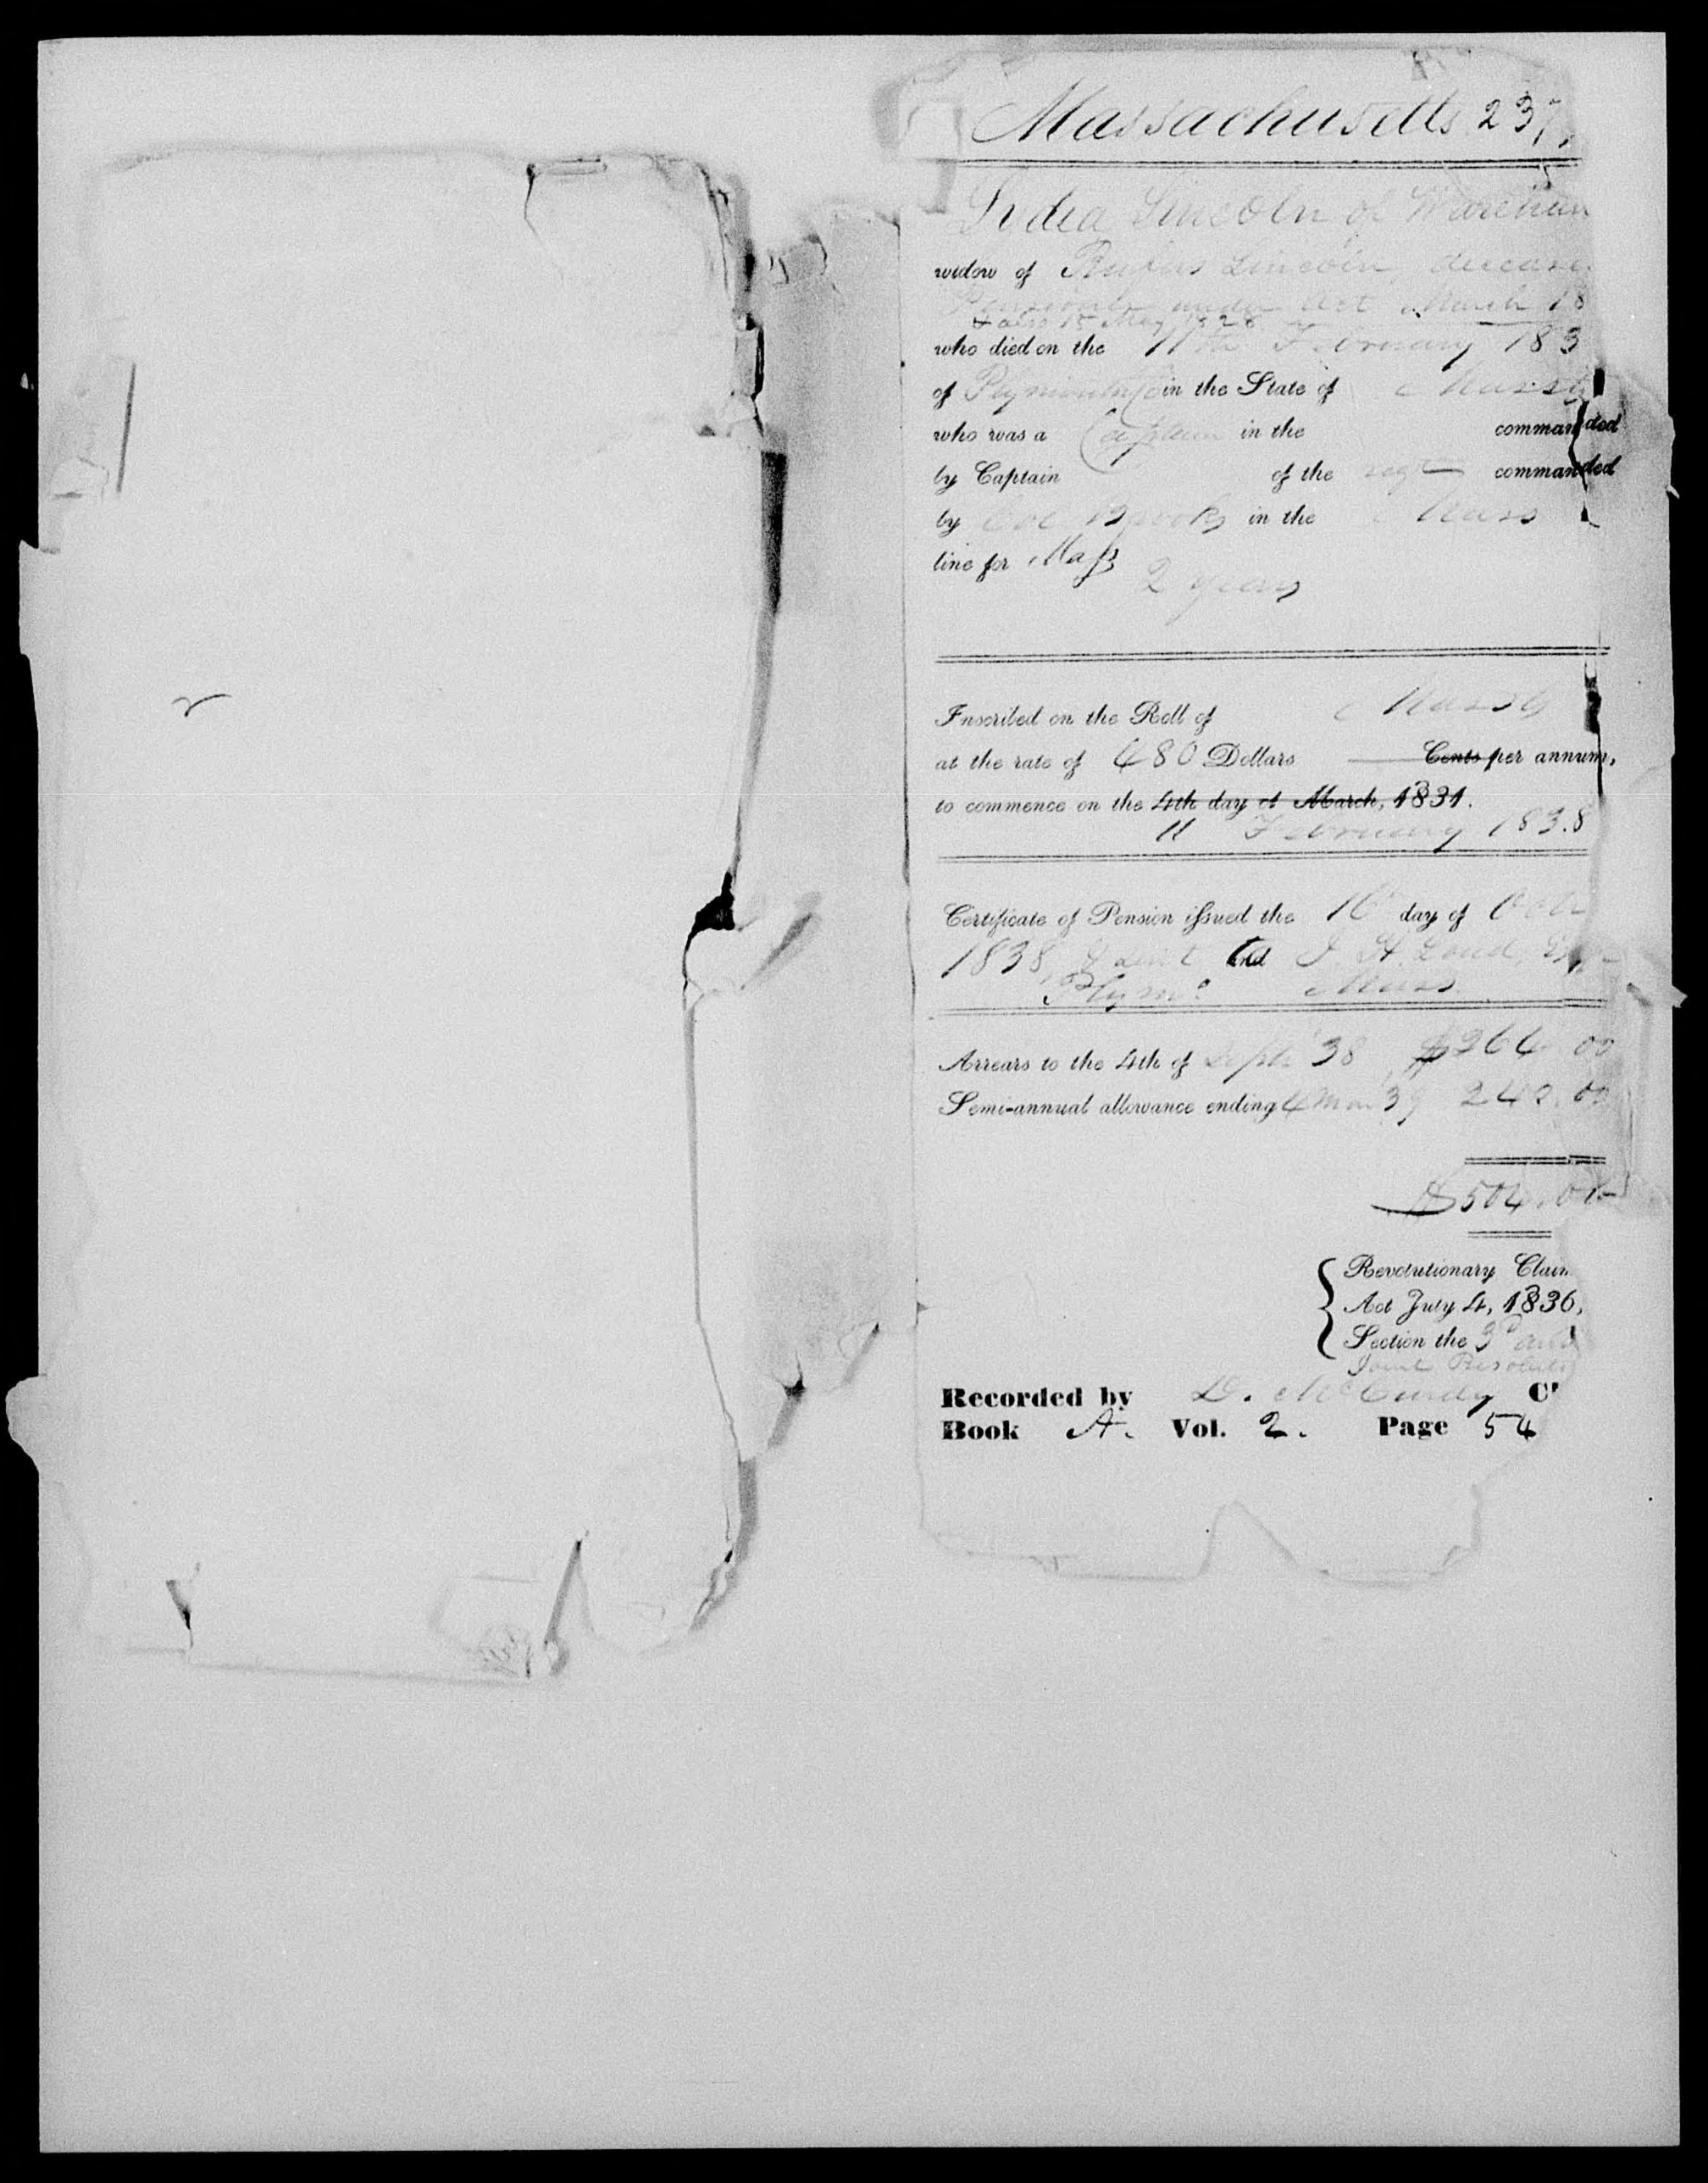Massachusetts 2379
Lydia Lincoln of Wareham 
Widow of Rufus Lincoln deceased
Request help under the act of 18 March 1818
who died on the 14th February 1836
of Plymouth Co. in the State of Massachusetts
who was a Captain in the _________commanded
by Captain _____ of the regt commanded
by Col. Brooks in the Mass line for 2 years
Inscribed on the Roll of Massachusetts
at the rate of 480 Dollars - Cents per annum
to commence on the 11th of February, 1838.
February 1838
Certificate of Pension issued the 16 day of Oct
1838 & auth by J. H. Loud Esq
Plymouth Mass

Arrears to the 4th of Sept 38 $264 00
Semi-annual allowance ending 4 Mar 39 240.
                                                          $504.00
Revolutionary Claim Act July 4, 1836, Section the 3rd and Joint Resolution
Recorded by  D. McCurdy
Book A   Vol. 2   Page 54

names: Rufus Lincoln; Lydia Lincoln; [BLANK] Brooks; J H Loud; D Mc Curdy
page: 4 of 82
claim: widow's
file: W. 13,634, for Rufus Lincoln, Massachusetts